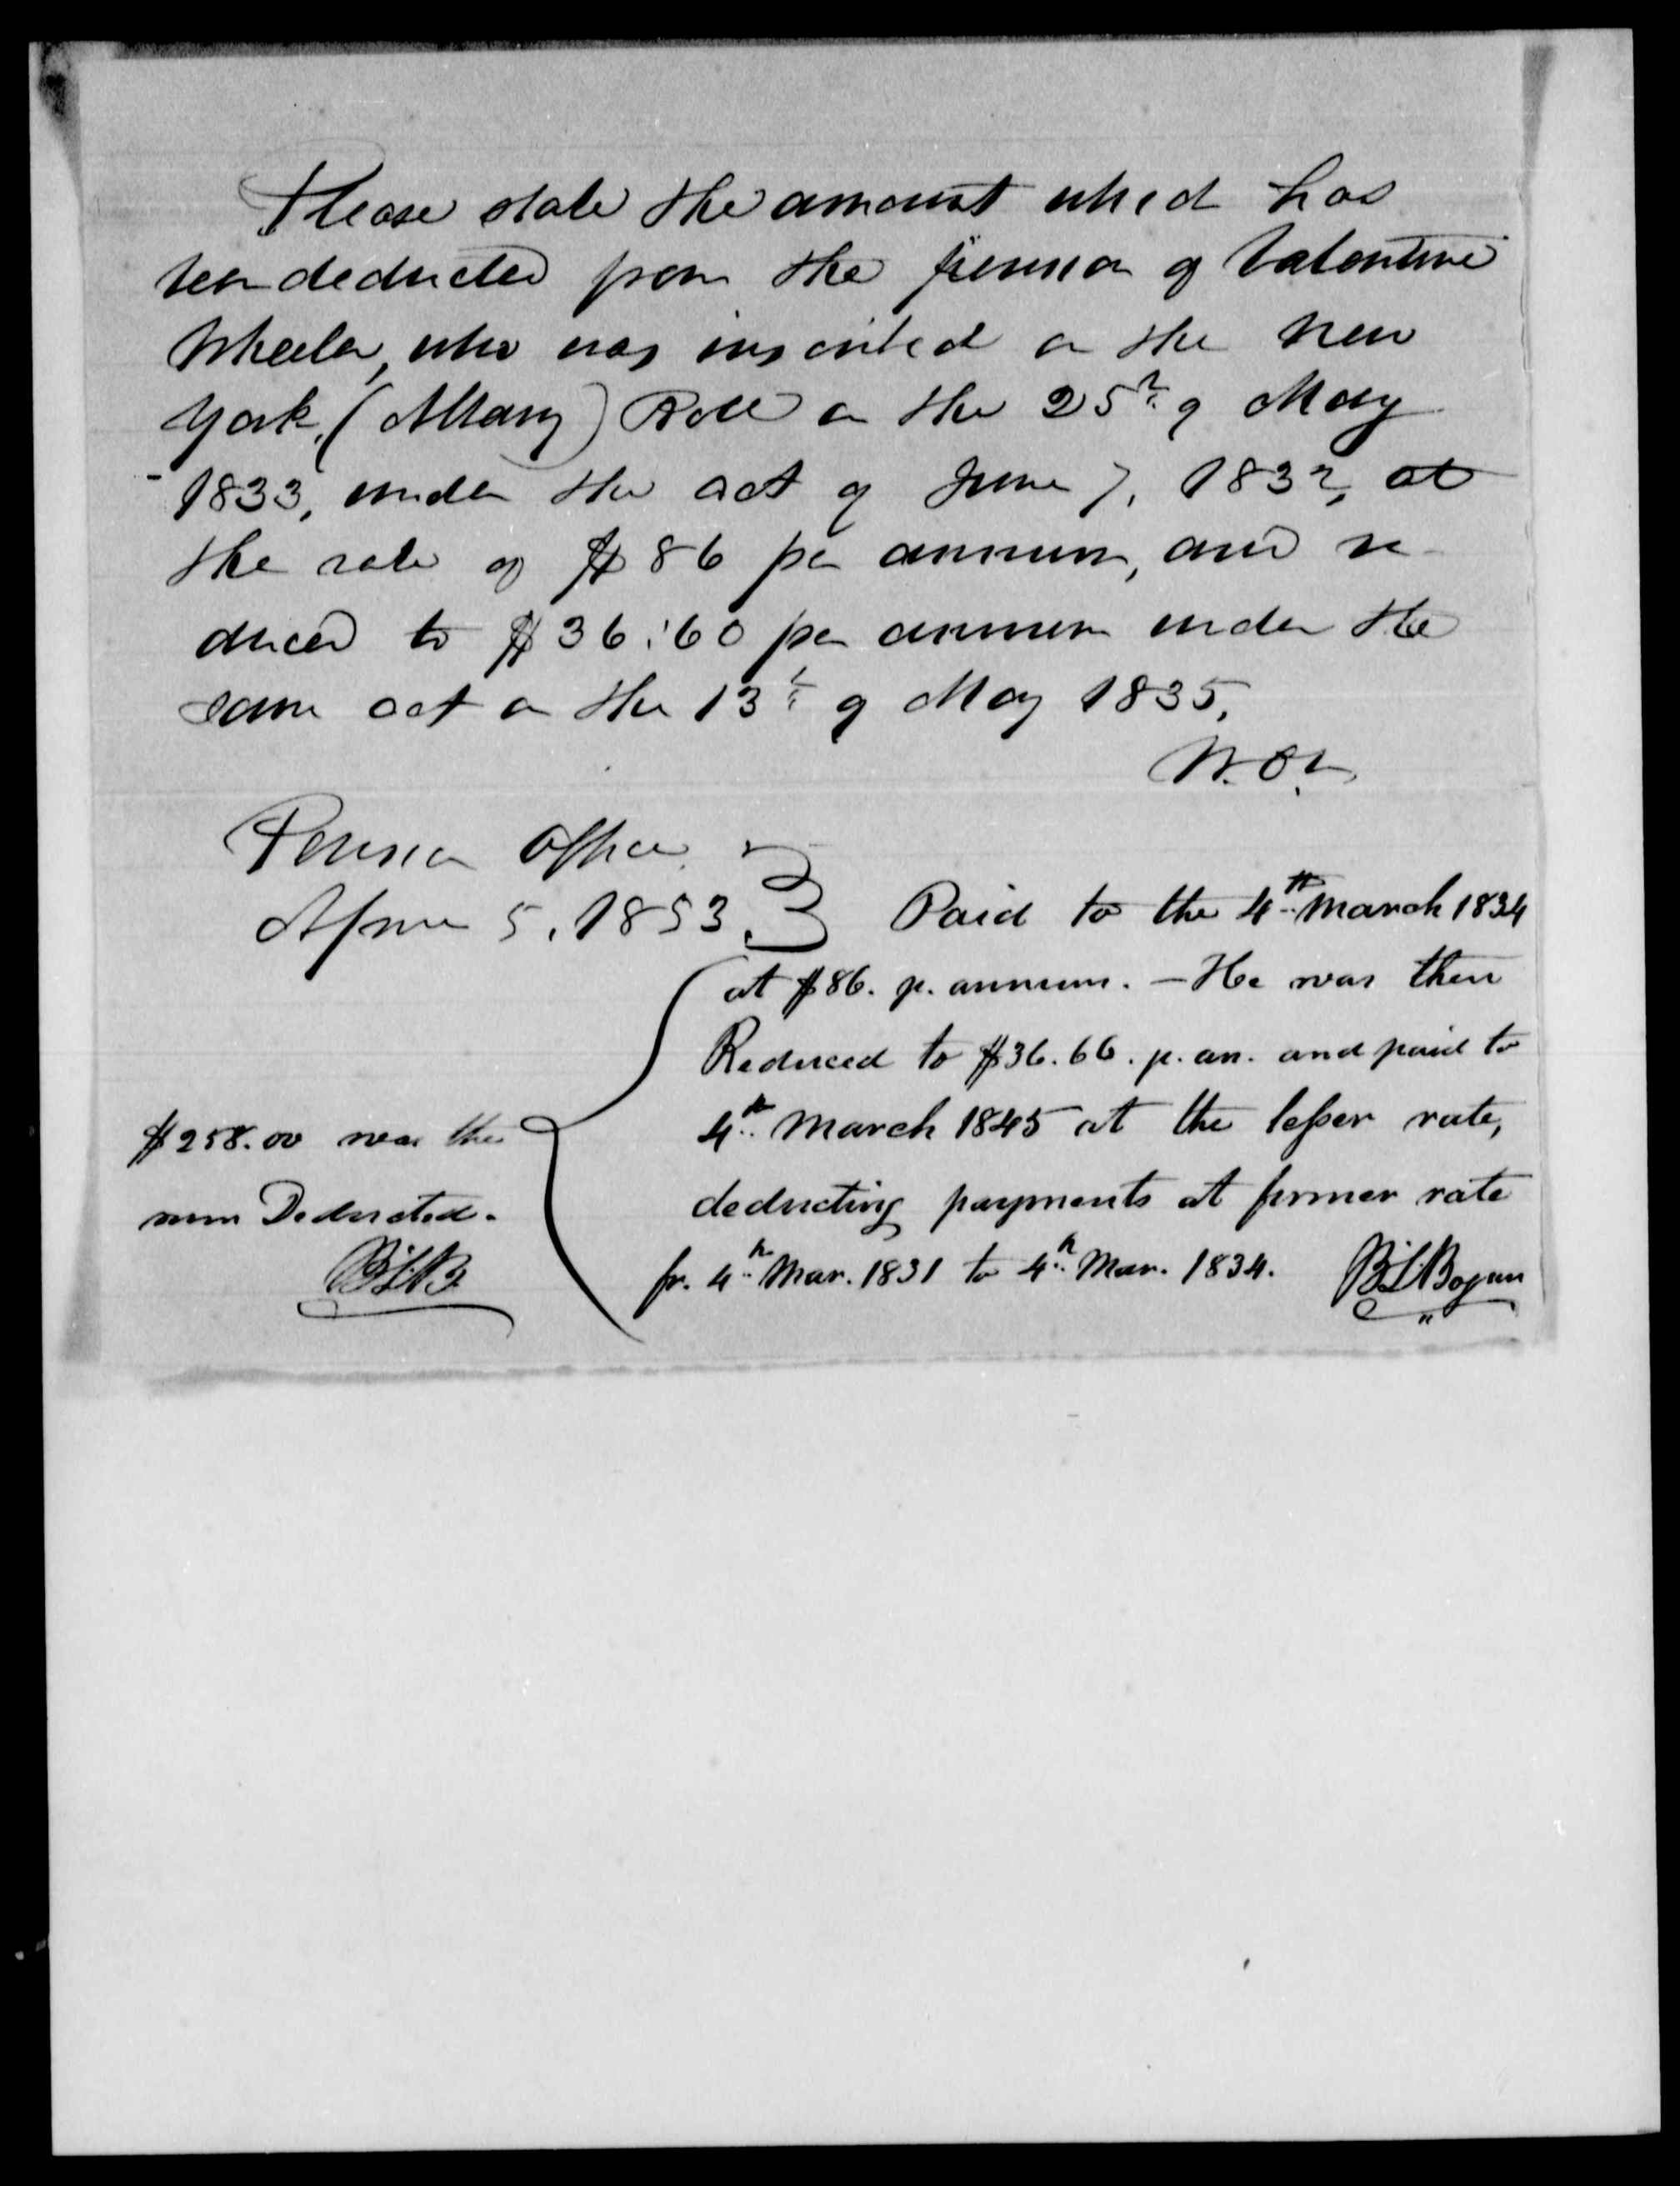Please state the amount which has been deducted from the pension of Valentine Wheeler who was inscribed at the New York (Albany) Roll on the 25th May 1833 under the act of June 7, 1832 at the rate of $86. per annum and reduced to #36.60 per annum under the ame act on the 13th May 1835. 
N.O.L.

Pension Office
(illegible) 5, 1853
$258.00 was the sum deducted
BLB
Paid to the 4th March 1834 at $86. per annum. He was then Reduced to $36.66 per an. and aid to 4th March 1845 at the lesser rate, deducting payments at former rate fr. 4th Mar 1831 to 4th Mar 1834
B. L. Bogan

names: Valentine Wheeler, B L Bogan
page: 38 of 98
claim: widow's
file: W. 1682, Valentine Wheeler, Mass.